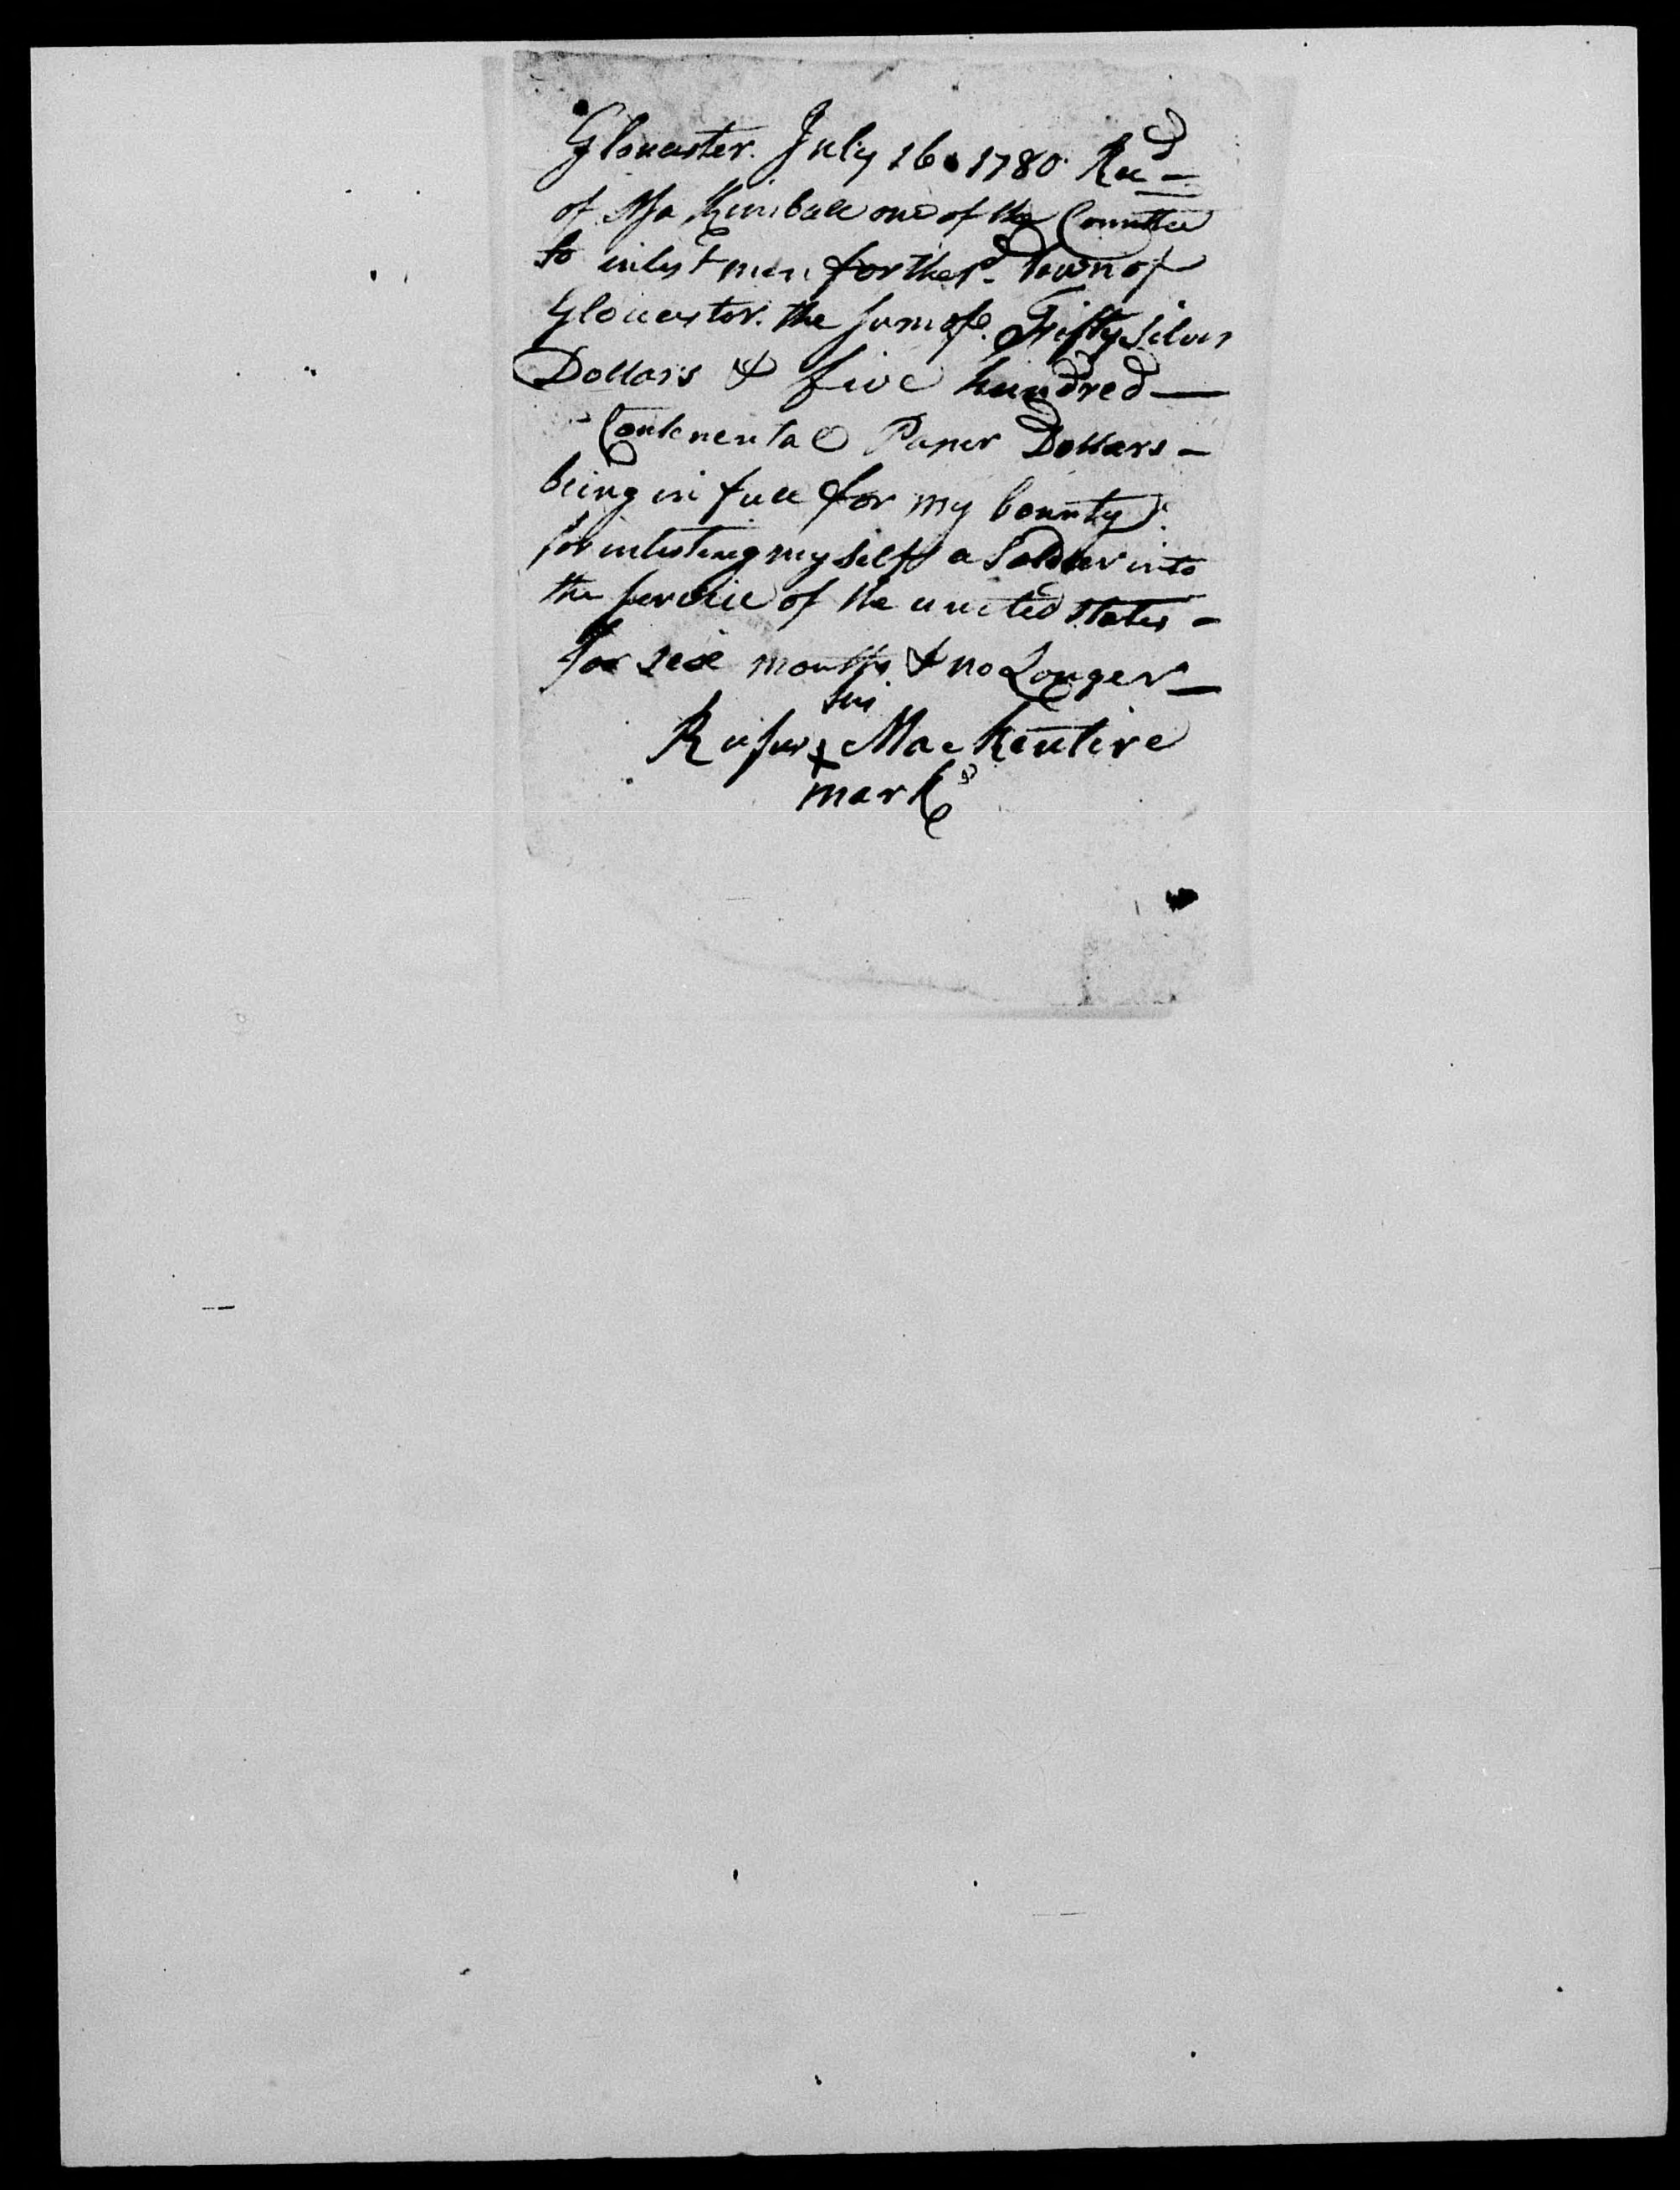Gloucester July 16, 1780 Recd
of Asa Kimball one of the Committee
to inlist men for the town of
Gloucester, the sum of Fifty Silver
Dollars & five hundred-
Continental Paper Dollars
being in full for my County
for inlisting myself a soldier into
the service of the United States
for six months & no longer
Rufus Mackentire his X mark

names: Rufus Mackentire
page: 18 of 76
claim: widow's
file: W. 15,517, William Gadcomb, R.I.